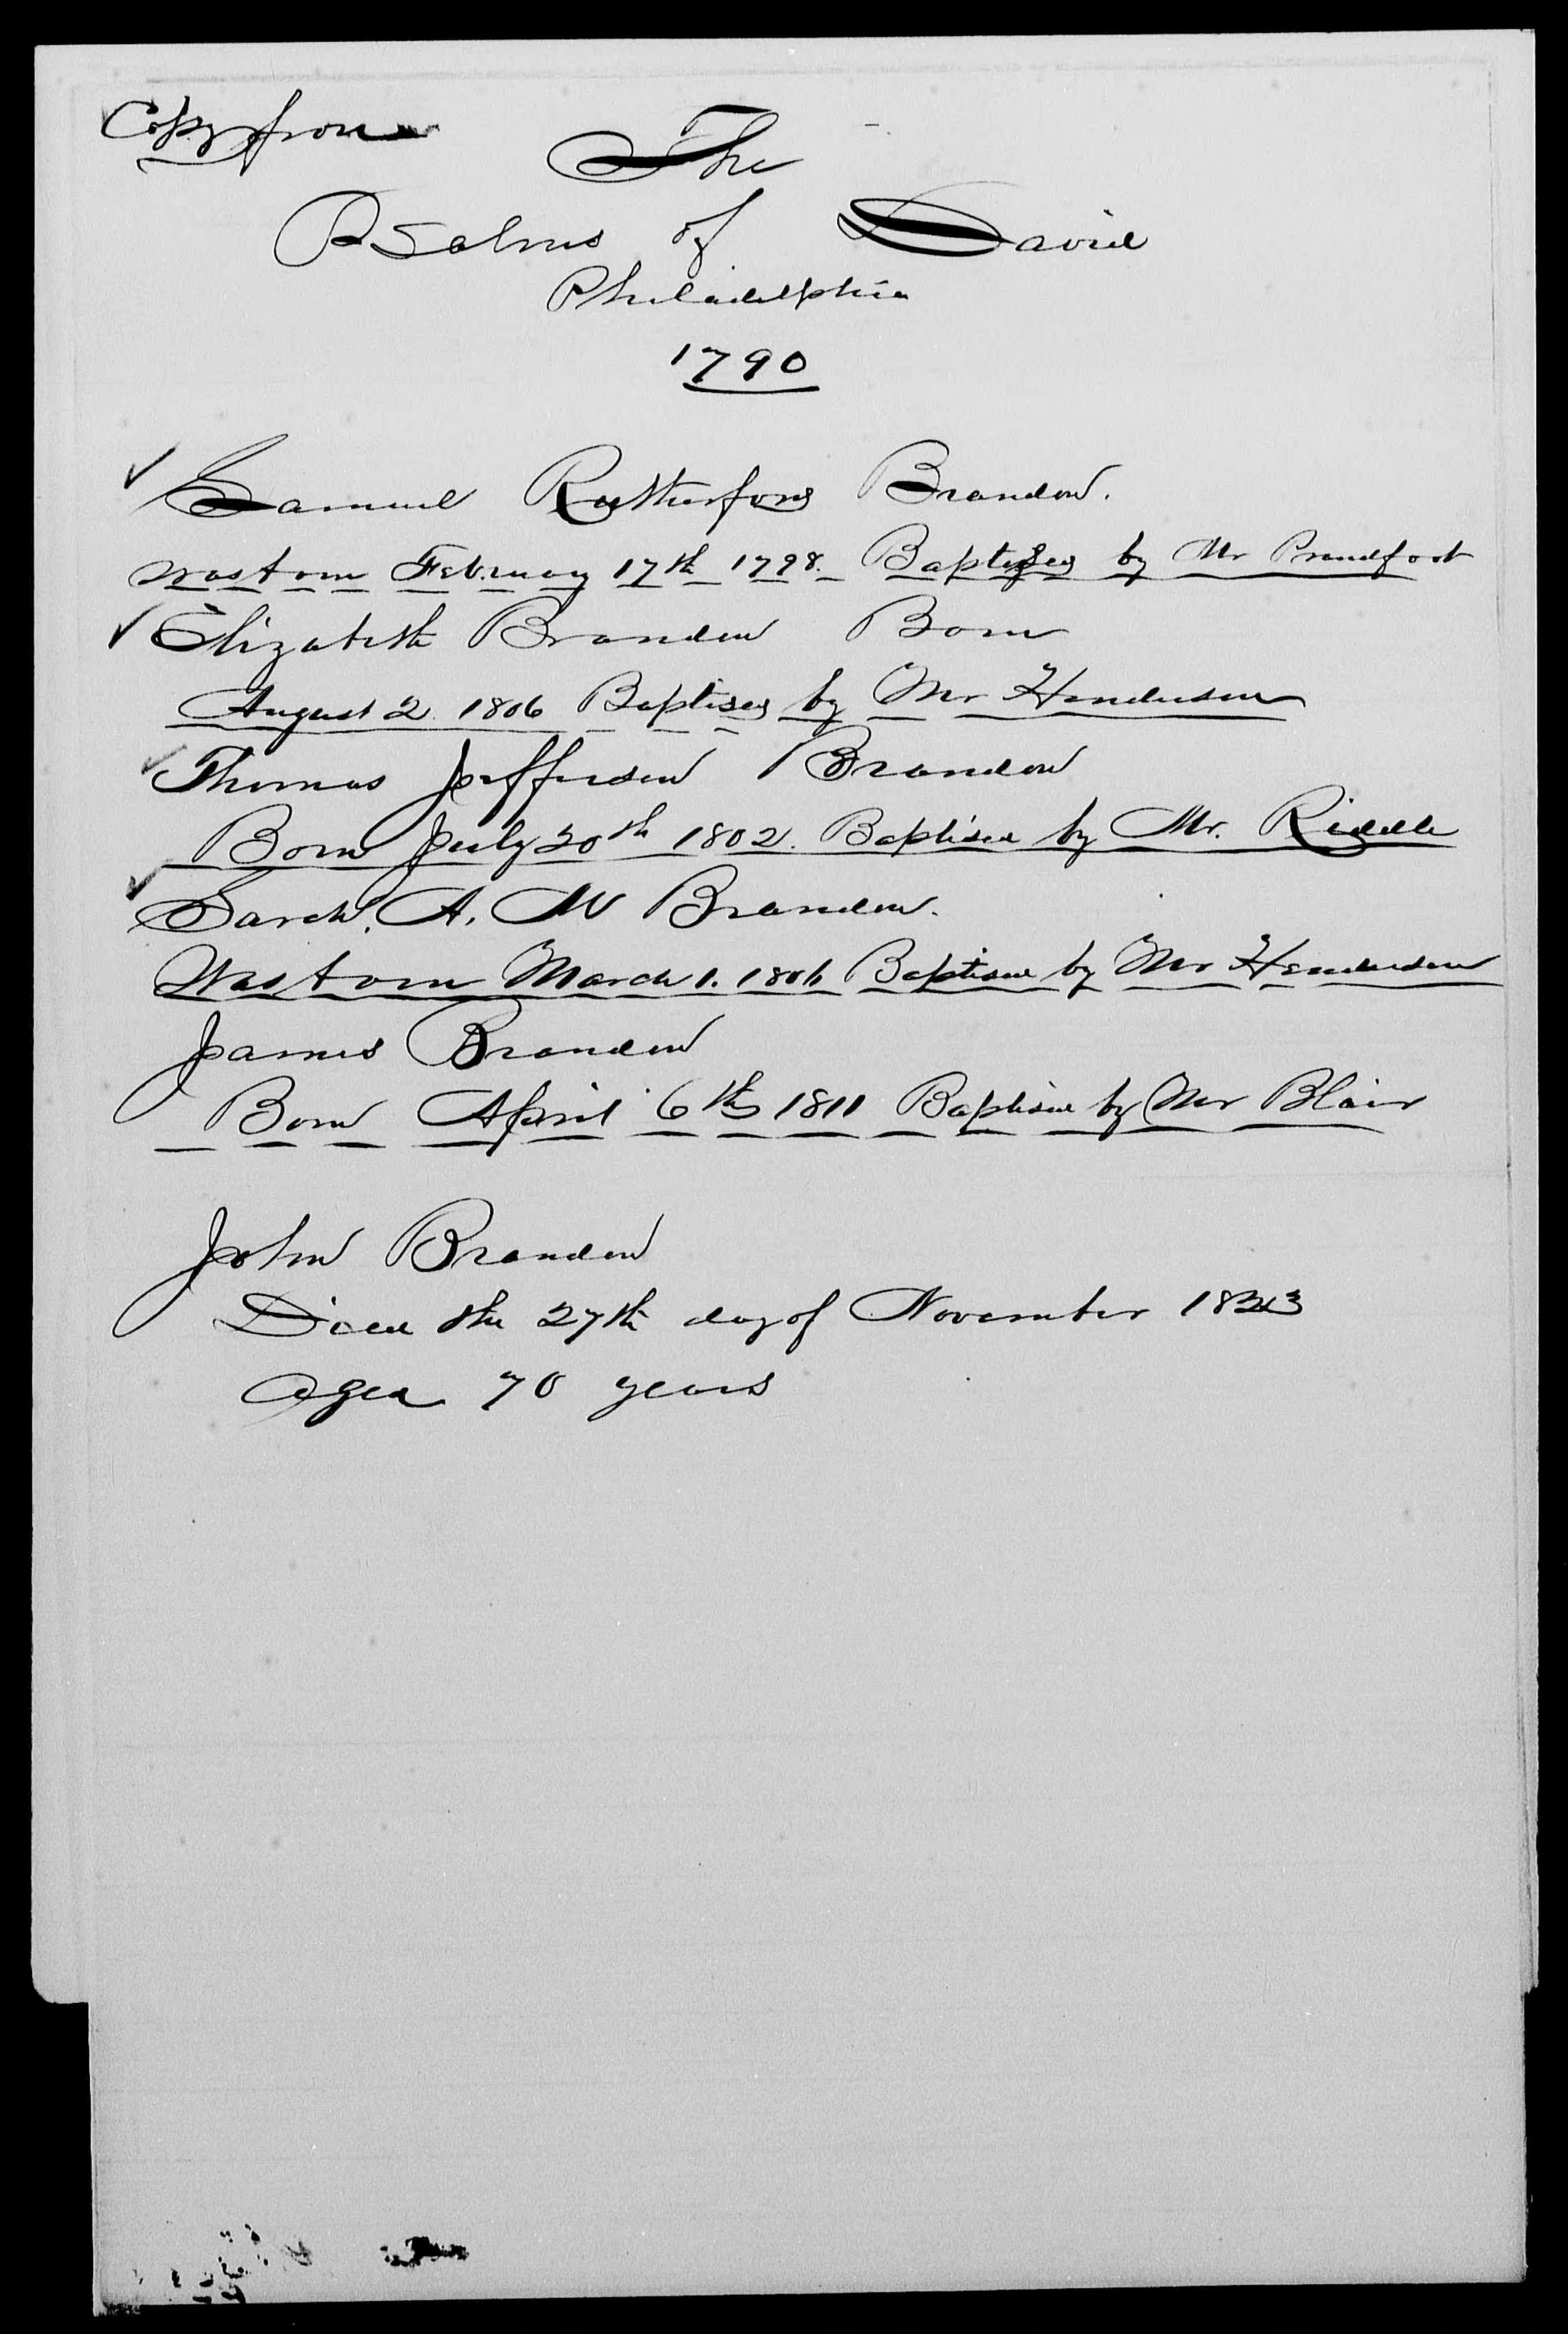Copy from
The
Psalms of David
Philadelphia
1790

Samuel Rutherford Brandon
Was born February 17th 1798. Baptism by Mr Proudfoot
-
Elizabeth Brandon Born
August 2, 1806 Baptism by Mr Henderson
-
Thomas Jefferson Brandon
Born July 20th 1802. Baptism by Mr. Riddle
-
Sarah A. W Brandon.
Was born March 1, 1806 Baptism by Mr Henderson
-
James Brandon
Born April 6th 1811 Baptism by Mr Blair
-
John Brandon
Died the 27th day of November 1833
Aged 70 years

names: James Brandon, Elizabeth Brandon, Samuel Rutherford Brandon, Riddle, Thomas Jefferson Brandon, John Brandon, Blair, Henderson, Proudfoot, Sarah A W Brandon, Henderson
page: 49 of 83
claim: widow's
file: W. 5946, John Brandon, Penn